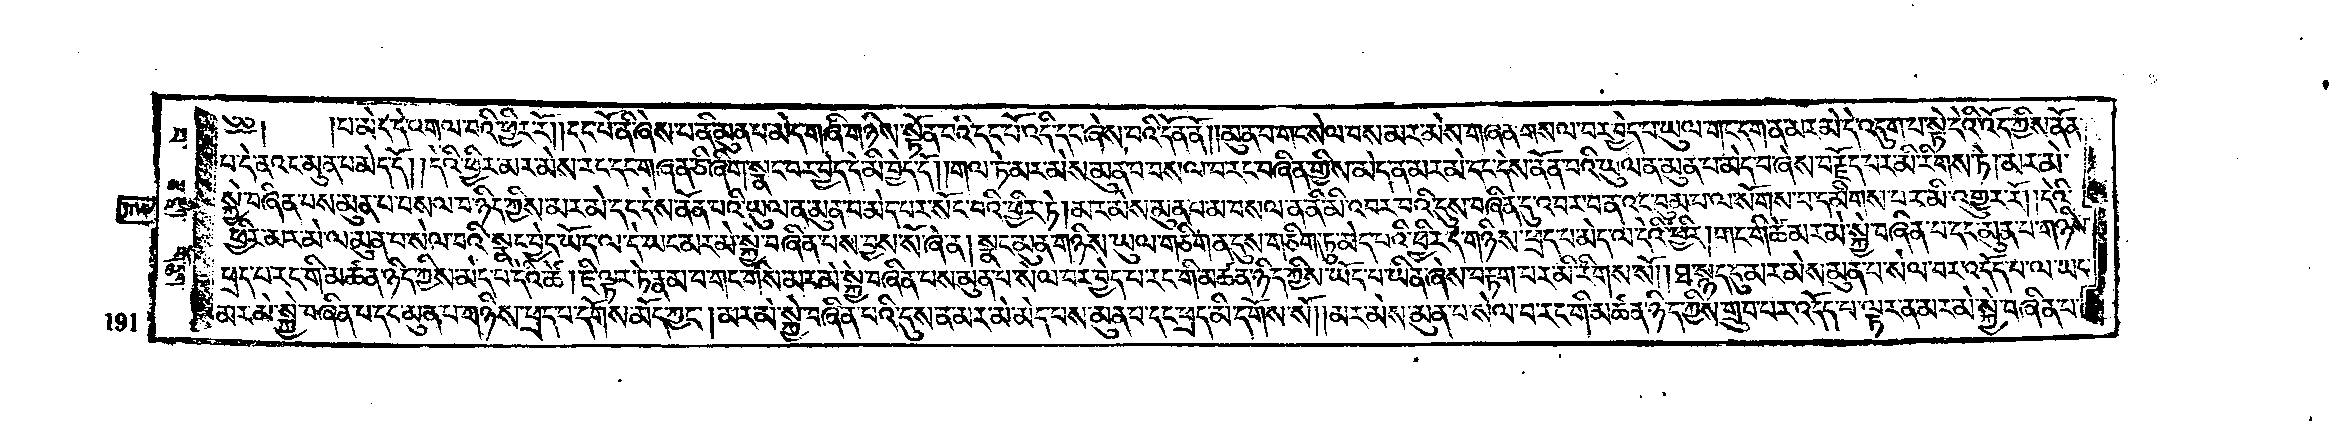༄༅། །པ་མེད་དེ་འགལ་བའི་ཕྱིར་རོ། །དང་པོ་ནི་ཞེས་པ་ནི་མུན་པ་མེད་གཞི་གཉིས་སྟོན་པའི་དང་པོ་འདི་དང་ཞེས་པའི་དོན་ནོ། །མུན་པ་གང་སེལ་བས་མར་མེས་གཞན་གསལ་པར་བྱེད་པ་ཡུལ་གང་དག་ན་མར་མེ་དེ་འདུག་པ་སྟེ་དེའི་འོད་ཀྱིས་ནོན་
པ་དེ་ནའང་མུན་པ་མེད་དོ། །དེའི་ཕྱིར་མར་མེས་རང་དང་གཞན་ཅི་ཞིག་སྣང་བར་བྱེད་དེ་མི་བྱེད་དོ། །གལ་ཏེ་མར་མེས་མུན་པ་བསལ་བ་རང་བཞིན་གྱིས་མེད་ན་མར་མེ་དང་དེས་ནོན་པའི་ཡུལ་ན་མུན་པ་མེད་བ་ཞེས་བརྗོད་པར་མི་རིགས་ཏེ། མར་མེ་
སྐྱེ་བཞིན་པས་མུན་པ་བསལ་བ་ཉིད་ཀྱིས་མར་མེ་དང་དེས་ནོན་པའི་ཡུལ་ན་མུན་པ་མེད་པར་སོང་པའི་ཕྱིར་ཏེ། མར་མེས་མུན་པ་མ་བསལ་ན་ནི་མི་འབར་བའི་དུས་བཞིན་དུ་འབར་བ་ནའང་བུམ་པ་ལ་སོགས་པ་དམིགས་པར་མི་འགྱུར་རོ། །དེའི་
ཕྱིར་མར་མེ་ལ་མུན་པ་སེལ་བའི་སྣང་བྱེད་ཡོད་ལ་དེ་ཡང་མར་མེ་སྐྱེ་བཞིན་པས་བྱས་སོ་ཞེ་ན། སྣང་མུན་གཉིས་ཡུལ་གཅིག་ན་དུས་གཅིག་ཏུ་མེད་པའི་ཕྱིར་དེ་གཉིས་ཕྲད་པ་མེད་ལ་དེའི་ཕྱིར། གང་གི་ཚེ་མར་མེ་སྐྱེ་བཞིན་པ་དང་མུན་པ་གཉིས་
ཕྲད་པ་རང་གི་མཚན་ཉིད་ཀྱིས་མེད་པ་དེའི་ཚེ། ཇི་ལྟར་ཏེ་རྣམ་པ་གང་གི་མར་མེ་སྐྱེ་བཞིན་པས་མུན་པ་སེལ་བར་བྱེད་པ་རང་གི་མཆན་ཉིད་ཀྱིས་ཡོད་པ་མ་ཡིན་ཞེས་བརྟག་པར་མི་རིགས་སོ། །ཐ་སྙད་དུ་མར་མེས་མཐུན་པ་སེལ་བར་འདོད་པ་ལ་ཡང་
མར་མེ་སྐྱེ་བཞིན་པ་དང་མུན་པ་གཉིས་ཕྲད་པ་དགོས་མོད་ཀྱང་། མར་མེ་སྐྱེ་བཞིན་པའི་དུས་ན་མར་མེ་མེད་པས་མུན་པ་དང་ཕྲད་མི་དགོས་སོ། །མར་མེས་མུན་པ་སེལ་བ་རང་གི་མཚན་ཉིད་ཀྱིས་གྲུབ་པར་འདོད་པ་ལྟར་ན་མར་མེ་སྐྱེད་བཞིན་པ་